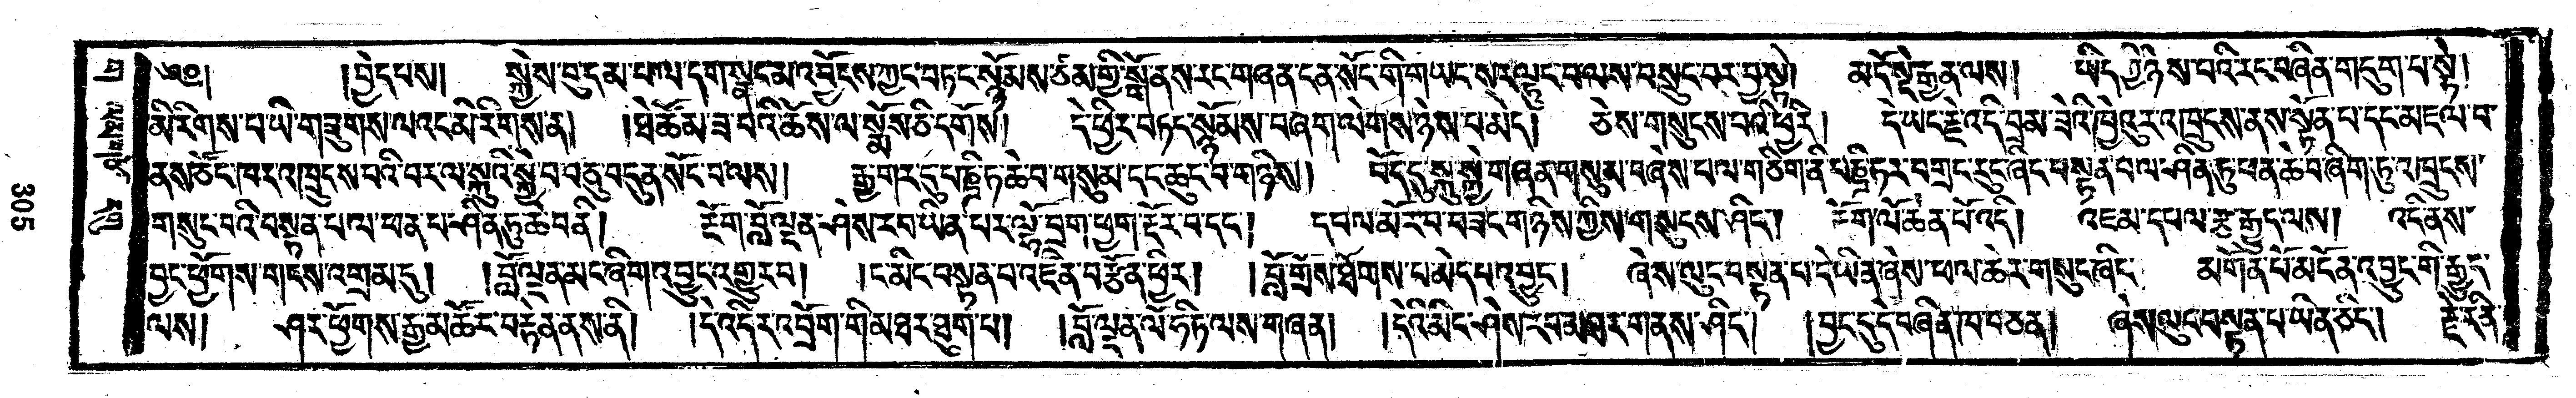༄༅། །བྱེད་པས། སྐྱེས་བུ་དམ་པ་ལ་དག་སྣང་མ་འབྱོངས་ཀྱང་བཏང་སྙོམས་ཙམ་གྱི་སྒོ་ནས་རང་གཞན་ངན་སོང་གི་གཡང་སར་ལྟུང་བ་ལས་བསྲུང་བར་བྱ་སྟེ། མདོ་སྡེ་རྒྱན་ལས། ཡིད་ཀྱི་ཉིས་པའི་རང་བཞིན་གསྡུག་པ་སྟེ།
མི་རིགས་པ་ཡི་གཟུགས་ལའང་མི་རིགས་ན། ཐེ་ཚོམ་ཟ་བའི་ཆོས་ལ་སྨོས་ཅི་དགོས། དེ་ཕྱིར་བཏང་སྙོམས་བཞག་ལེགས་ཉེས་པ་མེད། ཅེས་གསུངས་པའི་ཕྱིར། དེ་ཡང་རྗེ་འདི་བྲམ་ཟེའི་ཁྱེའུ་ར་འཁྲུངས་ནས་སྟོན་པ་དང་མཇལ་བ་
ནས་ཙོང་ཁར་འཁྲུངས་པའི་བར་ལ་སྐུའི་སྐྱེ་བ་བཅུ་བདུན་སོང་བ་ལས། རྒྱ་གར་དུ་པཎྜི་ཏ་ཆེ་བ་གསུམ་དང་ཆུང་བ་གཉིས། བོད་དུ་སྐུ་སྐྱེ་གཞན་གསུམ་བཞེས་པ་ལ་གཅིག་ནི་པཎྜི་ཏར་བགྲང་རུང་ཞིང་བསྟན་པ་ལ་ཤིན་ཏུ་ཕན་ཆེ་བ་ཞིག་ཏུ་འཁྲུངས་
གསུངས་པའི་བསྟན་པ་ལ་ཕན་པ་ཤིན་ཏུ་ཆེ་བ་ནི། རྡོག་བློ་ལྡན་ཤེས་རབ་ཡིན་པར་ལྷོ་བྲག་ཕྱག་རྡོར་བ་དང་། དཔལ་མོར་བ་བཟང་གཉིས་ཀྱིས་གསུངས་ཤིང་། རྟོག་ལོ་ཆེན་པོ་འདི། འཇམ་དཔལ་རྩ་རྒྱུད་ལས། འདི་ནས་
བྱང་ཕྱོགས་གངས་འགྲམ་དུ། །བློ་ལྡན་མང་ཞིག་འབྱུང་འགྱུར་བ། །ང་མིང་བསྟན་པ་འཛིན་བརྩོན་ཕྱིར། །བློ་གྲོས་ཐོགས་པ་མེད་པ་འབྱུང་། ཞེས་ལུང་བསྟན་པ་དེ་ཡང་ཞེས་ཕལ་ཚོར་གསུངས་ཞིང་། མགོན་པོ་མངོན་འབྱུང་གི་རྒྱུད་
ལས། ཤར་ཕྱོགས་རྒྱ་མཚོང་བརྟེན་ནས་ནི། །དེ་འདིར་འབྲོག་གི་མཐར་ཐུགས་པ། །བློ་ལྡན་ལོ་ཧ་ཏྲི་ལས་གཞན། །དེའི་མིང་ཤེས་རབ་མཐར་གནས་ཤིང་། །བྱང་དུ་དེ་བཞིན་ཁ་བ་ཅན། ཞེས་ལུང་བསྟན་པ་ཡིན་ཅིང་། །རྗེ་རིན་